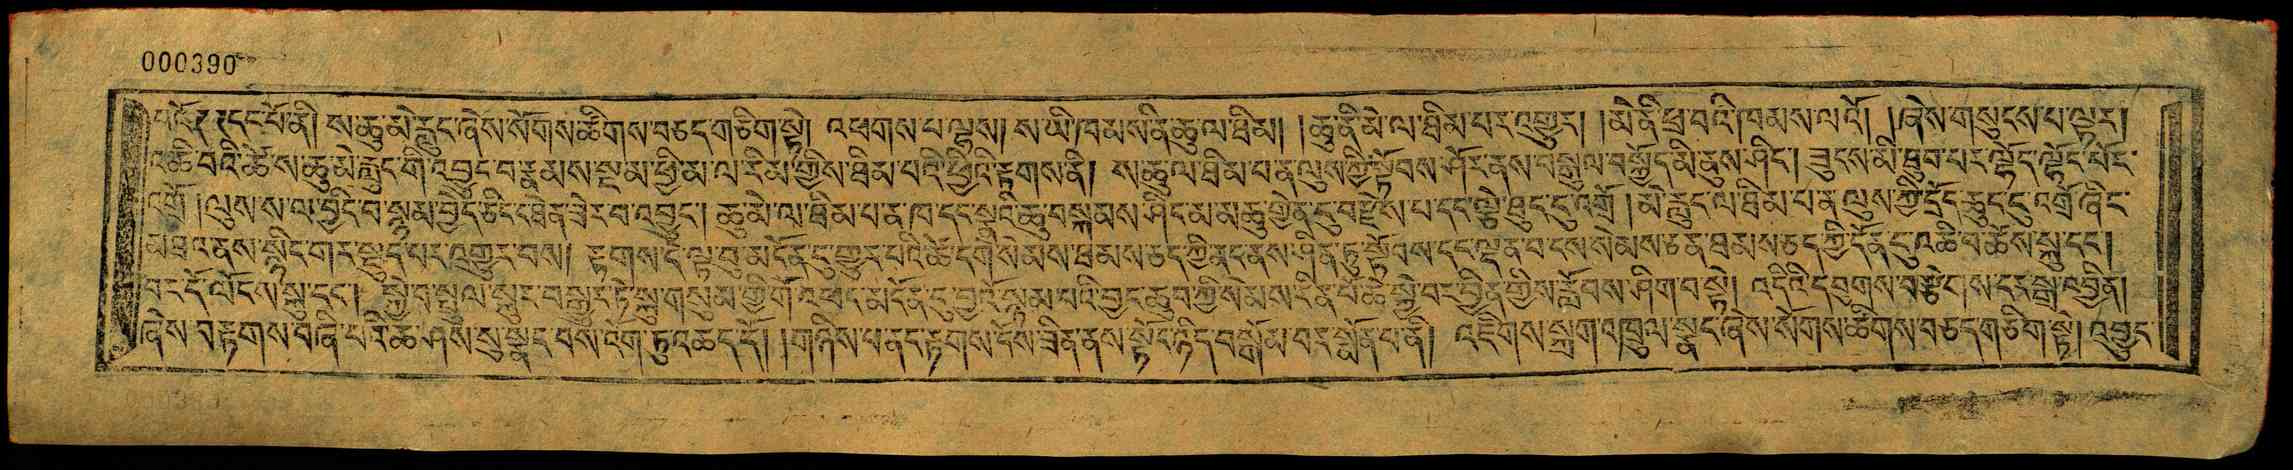པའོ། །དང་པོ་ནི། ས་ཆུ་མེ་རླུང་ཞེས་སོགས་ཚིགས་བཅད་གཅིག་སྟེ། འཕགས་པ་ལྷས། ས་ཡི་ཁམས་ནི་ཆུ་ལ་ཐིམ། །ཆུ་ནི་མེ་ལ་ཐིམ་པར་འགྱུར། །མེ་ནི་ཕྲ་བའི་ཁམས་ལའོ། །ཞེས་གསུངས་པ་ལྟར།
འཆི་བའི་ཚེ་ས་ཆུ་མེ་རླུང་གི་འབྱུང་བ་རྣམས་སྔ་མ་ཕྱི་མ་ལ་རིམ་གྱིས་ཐིམ་པའི་ཕྱིའི་རྟགས་ནི། ས་ཆུ་ལ་ཐིམ་པ་ན་ལུས་ཀྱི་སྟོབས་ཤོར་ནས་བསྒྲུལ་བསྐྱོད་མི་ནུས་ཤིང་། ཟུངས་མི་ཐུབ་པར་ལྷོད་ལྷོད་པོར་
འགྲོ་།ལུས་ས་ལ་བྱིང་བ་སྙམ་བྱེད་རིང་འཐེན་ཟེར་བ་འབྱུང་། ཆུ་མེ་ལ་ཐིམ་པ་ན་ཁ་དང་སྣའི་ཆུ་བསྐམས་ཤིང་མ་མཆུ་གྱེན་དུ་བརྫེས་པ་དང་ལྕེ་ཐུང་དུ་འགྲོ་།མེ་རླུང་ལ་ཐིམ་པ་ན་ལུས་ཀྱི་དྲོད་ཆུང་དུ་འགྲོ་ཞིང་
མཐའ་ནས་སྙིང་གར་སྡུད་པར་འགྱུར་པས། རྟགས་དེ་ལྟ་བུ་མངོན་དུ་གྱུར་པའི་ཚེ་དགེ་སེམས་ཐམས་ཅད་ཀྱི་ནང་ནས་ཤིན་ཏུ་སྟོབས་དང་ལྡན་པ་དེས་སེམས་ཅན་ཐམས་ཅད་ཀྱི་དོན་དུ་འཆི་བ་ཆོས་སྐུ་དང་།
བར་དོ་ལོངས་སྐུ་དང་། སྐྱེ་བ་སྤྲུལ་སྐུར་བསྒྱུར་ཏེ་སྐུ་གསུམ་གྱི་གོ་འཕང་མངོན་དུ་བྱའོ་སྙམ་པའི་བྱང་ཆུབ་ཀྱི་སེམས་རིན་པོ་ཆེ་སྐྱེ་བར་བྱིན་གྱིས་རློབས་ཤིག་པ་སྟེ། འདིའི་དབུགས་བརྩེགས་དར་སྒྲ་འབྱིན།
ཞེས་བརྟགས་བཞི་པའི་ཆ་ཤས་སུ་སྣང་བས་འོག་ཏུ་འཆད་དོ། །གཉིས་པ་ནང་རྟགས་ངོས་ཟིན་ནས་སྟོང་ཉིད་བསྒོམ་པར་སྨོན་པ་ནི། འཇིགས་སྐྲག་འཁྲུལ་སྣང་ཞེས་སོགས་ཚིགས་བཅད་གཅིག་སྟེ། འབྱུང་